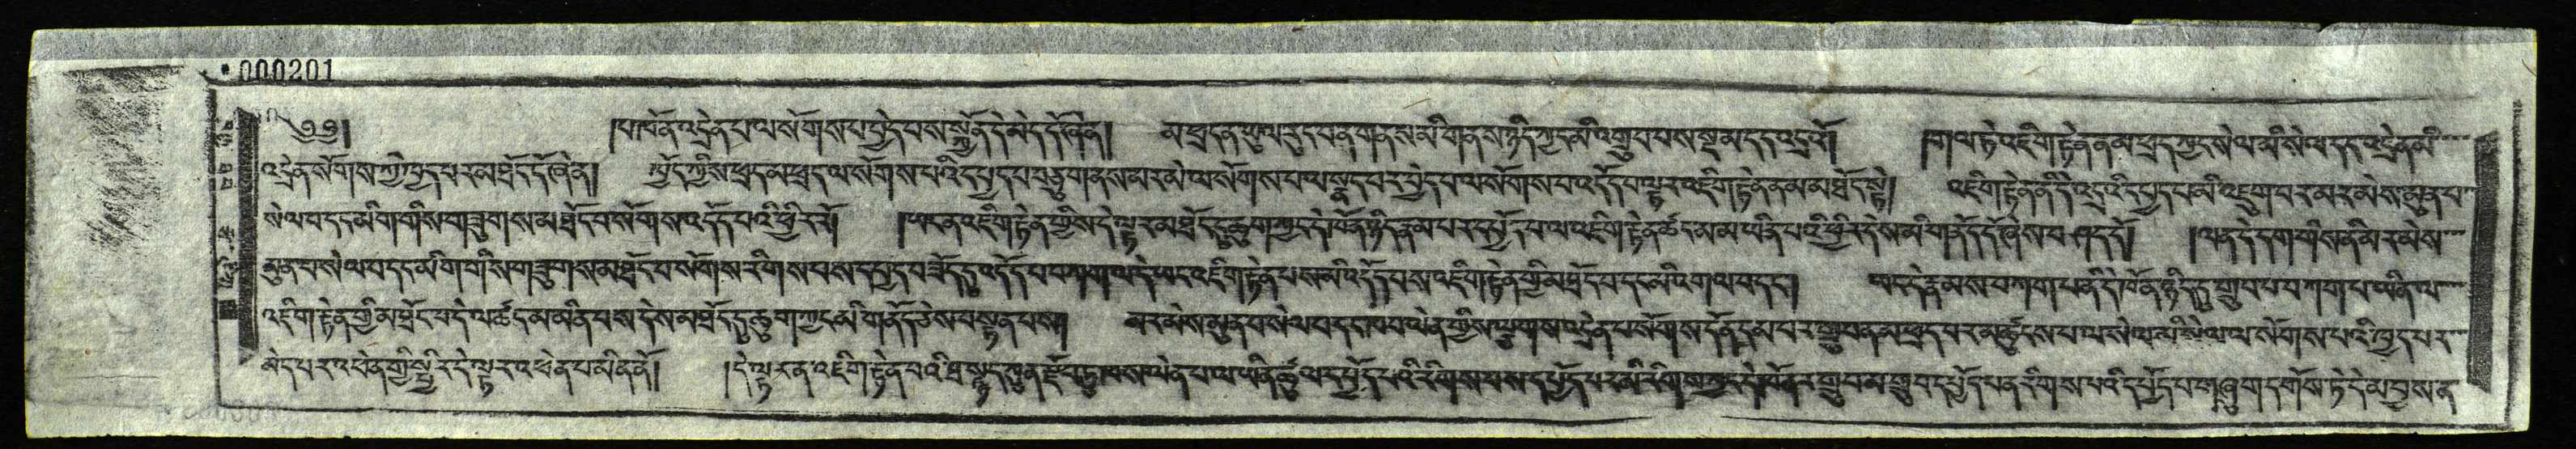༄༅། །པ་ཁོ་ན་འདྲེན་པ་ལ་སོགས་པ་བྱེད་པས་སྐྱོན་དེ་མེད་དོ་ཞེ་ན། མ་ཕྲད་ན་ཡུལ་རུང་བ་ན་གནས་མི་གནས་ཉིད་ཀྱང་མི་འགྲུབ་པས་སྔ་མ་དང་འདྲའོ། །གལ་ཏེ་འཇིག་རྟེན་ནམ་ཕྲད་ཀྱང་སེལ་མི་སེལ་དང་འདྲེན་མི་
འདྲེན་སོགས་ཀྱི་ཁྱད་པར་མཐོང་ངོ་ཞེ་ན། ཁྱོད་ཀྱིས་ཕྲད་མ་ཕྲད་ལ་སོགས་པའི་དཔྱད་པ་བཅུ་གནས་མར་མེ་ལ་སོགས་པ་ལ་སྣང་བར་བྱེད་པ་ལ་སོགས་པ་འདོད་པ་ལྟར་འཇིག་རྟེན་ནམ་མཐོང་སྟེ། འཇིག་རྟེན་ནི་དེ་འདྲའི་དཔྱད་པ་མི་འཇུག་པར་མར་མེས་མུན་པ་
སེལ་བ་དང་མིག་གིས་གཟུགས་མཐོང་བ་སོགས་འདོད་པའི་ཕྱིར་རོ། །ཡང་ན་འཇིག་རྟེན་གྱིས་དེ་ལྟར་མཐོང་དུ་ཆུག་ཀྱང་དེ་ཁོ་ན་ཉིད་རྣམ་པར་དཔྱོད་པ་ལ་འཇིག་རྟེན་ཚང་མ་མ་ཡིན་པའི་ཕྱིར་དེས་མི་གནོད་དོ་ཞེས་བཤད་དོ། །ལན་དེ་དག་གིས་ནི་མར་མེས་
མུན་པ་སེལ་བ་དང་མིག་གིས་གཟུགས་མཐོང་བ་སོགས་རིགས་པས་དཔྱད་བཟོད་དུ་འདོད་པ་བཀག་ལ་དེ་ཡང་འཇིག་རྟེན་པས་མི་འདོད་པས་འཇིག་རྟེན་གྱི་མཐོང་བ་དང་མི་འགལ་བ་དང་། ཡང་དེ་རྣམས་བཀག་པ་ནི་དེ་ཁོ་ན་ཉིད་དུ་གྲུབ་པ་བཀག་པ་ཡིན་ལ་
འཇིག་རྟེན་གྱི་མཐོང་བ་དེ་ལ་ཚང་མ་མིན་པས་དེས་མཐོང་དུ་ཆུག་ཀྱང་མི་གནོད་ཅེས་བསྟན་པས། མར་མེས་མུན་པ་སེལ་བ་དང་ཁབ་ལེན་གྱིས་ལྕགས་འདྲེན་པ་སོགས་དོན་དམ་པར་གྲུབ་ན་མ་ཕྲད་པར་མཚུངས་པ་ལ་སེལ་མི་སེལ་ལ་སོགས་པའི་ཁྱད་པར་
མེད་པར་འཕེན་གྱི་སྤྱིར་དེ་ལྟར་འཕེན་པ་མིན་ནོ། །དེ་ལྟར་ན་འཇིག་རྟེན་པའི་ཐ་སྙད་ཀུན་རྫོབ་ཏུ་ཁས་ལེན་པ་ལ་ཡིན་ཚུལ་དཔྱོད་པའི་རིགས་པས་དཔྱོད་པར་མི་རིགས་ཀྱང་དེ་ཁོ་ནར་གྲུབ་མ་གྲུབ་དཔྱོད་པ་ན་རིགས་པའི་དཔྱོད་པ་གཞུག་དགོས་ཏེ་དེ་མ་བྱས་ན་